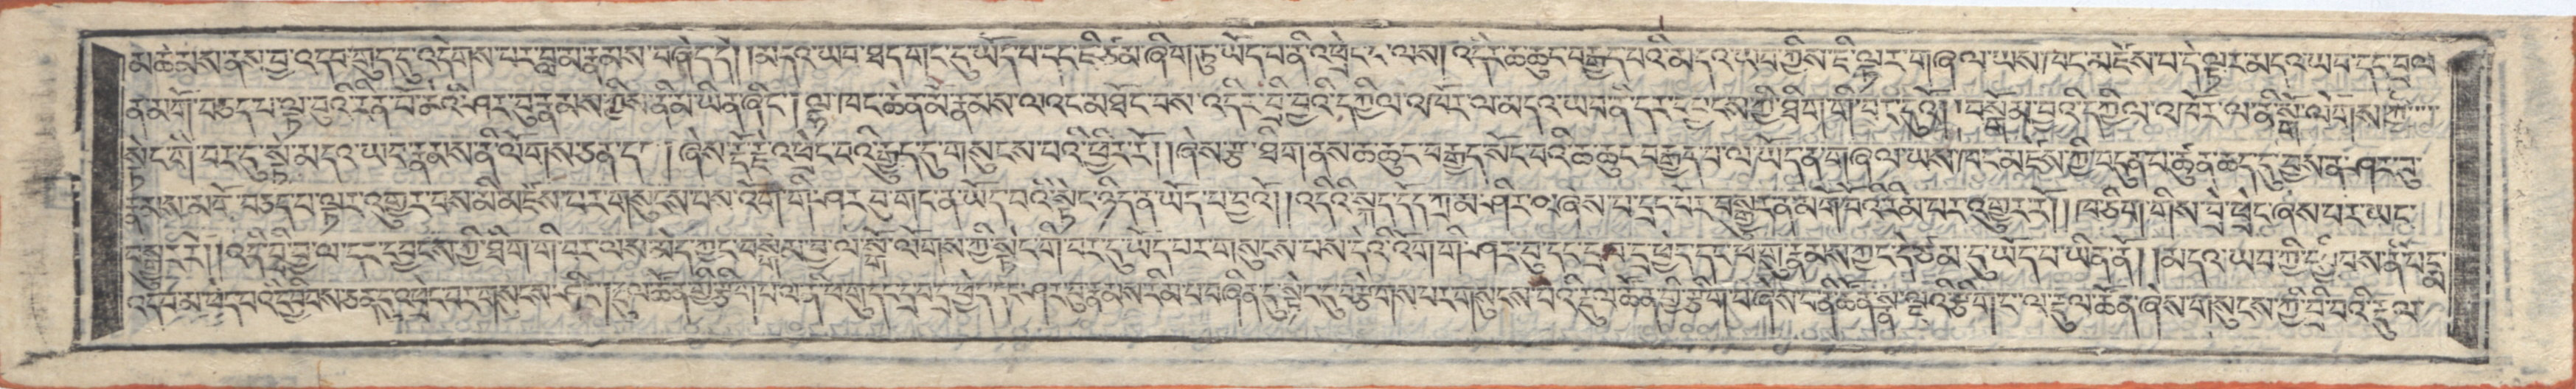མཚམས་ནས་བྱ་འདབ་གུད་དུ་འདོགས་པར་བླ་མ་རྣམས་བཞེད་དོ། །མདའ་ཡབ་ཐད་གང་དུ་ཡོད་པ་དང་ཇི་ཙམ་ཞིག་ཏུ་ཡོད་པ་ནི་འཕྲེང་བ་ལས། འདིར་ཆ་ཆུང་བརྒྱད་པའི་མདའ་ཡབ་ཀྱིས་ཇི་ལྟར་གཞལ་ཡས་ཁང་མཛེས་པ་དེ་ལྟར་མདའ་ཡབ་དང་བྲལ་
ན་མགོ་བཅད་པ་ལྟ་བུའི་རིན་པོ་ཆེའི་ཤར་བུ་རྣམས་ཀྱིས་ནི་མ་ཡིན་ཞིང་། ལྷ་ཁང་ཆེན་མོ་རྣམས་ལའང་མཐོང་བས་འདིར་བྲི་བྱའི་དཀྱིལ་འཁོར་ལ་མདའ་ཡབ་ནི་དར་དཔྱངས་ཀྱི་ཐིག་གི་བར་དུའོ། །བསྒོམ་བྱའི་དཀྱིལ་འཁོར་ལ་ནི་སྒོ་ལོགས་ཀྱི་
སྟེང་གི་བར་དུ་སྟེ་མདའ་ཡབ་རྣམས་ནི་ལོགས་ཅན་དང་། ཞེས་རྡོ་རྗེ་འཕྲེང་བའི་རྒྱུད་དུ་གསུངས་པའི་ཕྱིར་རོ། །ཞེས་རྩ་ཐིག་ནས་ཆ་ཆུང་བརྒྱད་སོང་བའི་ཆ་ཆུང་བརྒྱད་པ་ལ་ཡོད་ན་གཞལ་ཡས་ཁང་མཛེས་ཀྱི་བདུན་པ་ཚུན་ཆད་དུ་བྱས་ན་ཤར་བུ་
རྣམས་མགོ་བཅད་པ་ལྟར་འགྱུར་བས་མི་མཛེས་པར་གསུངས་པས་འོག་གི་ཤར་བུ་གང་ན་ཡོད་པའི་སྟེང་ཉིད་ན་ཡོད་པ་བྱའོ། །འདིའི་སྐད་དོད་ཀྲ་མ་ཤིར་ཥ་ཞེས་པ་དྲང་པོར་བསྒྱུར་ན་མགོ་བོའི་རིམ་པར་འགྱུར་རོ། །ཁ་ཅིག་གིས་བྲེ་ཕྲེང་ཞེས་པར་ཡང་
བསྒྱུར་རོ། །འདི་བྲི་བྱ་ལ་དར་དབྱངས་ཀྱི་ཐིག་གི་བར་ལས་མེད་ཀྱང་བསྒོམ་བྱ་ལ་སྒོ་ལོགས་ཀྱི་སྟེང་གི་བར་དུ་ཡོད་པར་གསུངས་པས་དེའི་འོག་གི་ཤར་བུ་དང་དྲ་བ་དྲ་ཕྱེད་དང་ཕ་གུ་རྣམས་ཀྱང་དེ་ཙམ་དུ་ཡོད་པ་ཡིན་ནོ། །མདའ་ཡབ་ཀྱི་དབྱིབས་ནི་པདམ་
འདབ་མ་ཕྱེད་པའི་དབྱིབས་ཅན་དུ་འཕྲེང་བར་གསུངས་ཤིང་། རྡུལ་ཚོན་གྱི་རྩིག་པ་ལ་ནི་ཕ་གུ་དང་དྲ་བ་དྲ་ཕྱེད་དང་ཤར་བུ་རྣམས་རིམ་པ་བཞིན་དུ་སྟེང་དུ་བརྩེགས་པར་གསུངས་པའི་རྡུལ་ཚོན་གྱི་རྩིག་པ་ཞེས་པ་ནི་ཚོན་སྣ་ལྔའི་རྩིག་པ་ལ་རྡུལ་ཚོན་ཞེས་གསུངས་ཀྱི་བྲི་བའི་རྡུལ་